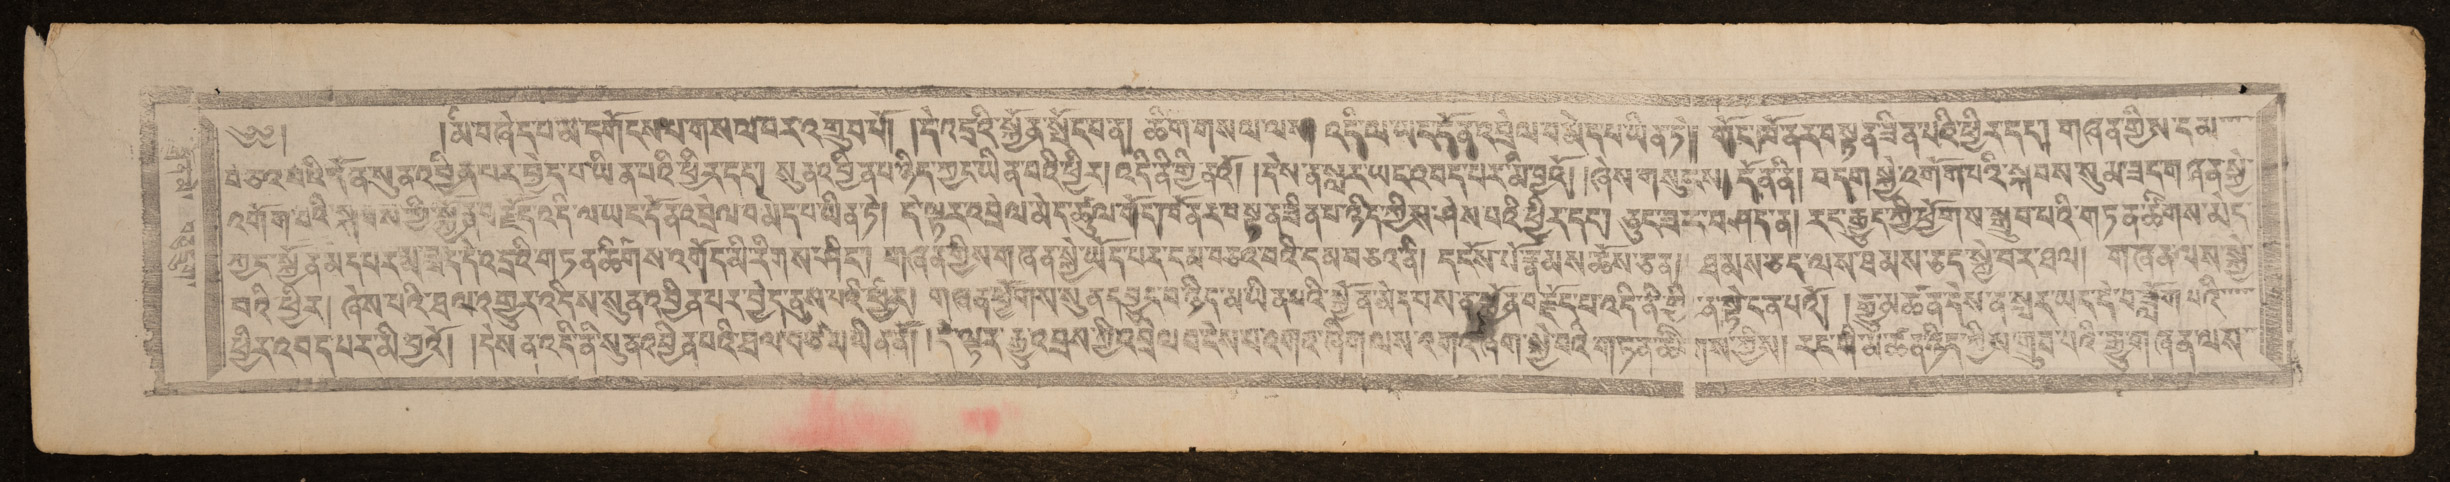༄༅། །མི་བཞེད་པ་མ་དགོངས་པ་གསལ་བར་འགྲུབ་བོ། །དེ་འདྲའི་སྐྱོན་སྤོང་བ་ན། ཚིག་གསལ་ལས། འདི་ལ་ཡང་དོན་འབྲེལ་བ་མེད་པ་ཡིན་ཏེ། གོང་ཁོ་ནར་བསྟན་ཟིན་པའི་ཕྱིར་དང་། གཞན་གྱིས་དམ་
བཅའ་བའི་དོན་སུན་འབྱིན་པར་བྱེད་པ་ཡིན་པའི་ཕྱིར་དང་། སུན་འབྱིན་པ་ཉིད་ཀྱང་ཡིན་པའི་ཕྱིར། འདི་ནི་གྱི་ནའོ། །དེས་ན་སླར་ཡང་འབད་པར་མི་བྱའོ། །ཞེས་གསུངས། དོན་ནི། བདག་སྐྱེ་འགོག་པའི་སྐབས་སུ་མ་ཟད་གཞན་སྐྱེ་
འགོག་པའི་སྐབས་ཀྱི་སྐྱོན་བརྗོད་འདི་ལ་ཡང་དོན་འབྲེལ་བ་མེད་པ་ཡིན་ཏེ། དེ་ལྟར་འབྲེལ་མེད་ཚུལ་གོང་ཁོ་ནར་བསྟན་ཟིན་པ་ཉིད་ཀྱིས་ཤེས་པའི་ཕྱིར་དང་། ཅུང་ཟད་བཤད་ན། རང་རྒྱུད་ཀྱི་ཕྱོགས་སྒྲུབ་པའི་གཏན་ཚིགས་མེད་
ཀྱང་སྐྱོན་མེད་པར་མ་ཟད་དེ་འདྲའི་གཏན་ཚིགས་འགོད་མི་རིགས་ཤིང་། གཞན་གྱིས་གཞན་སྐྱེ་ཡོད་པར་དམ་བཅའ་བའི་དམ་བཅའ་ནི། དངོས་པོ་རྣམས་ཆོས་ཅན། ཐམས་ཅད་ལས་ཐམས་ཅད་སྐྱེ་བར་ཐལ། གཞན་ལས་སྐྱེ་
པའི་ཕྱིར། ཞེས་པའི་ཐལ་འགྱུར་འདིས་སུན་འབྱིན་པར་བྱེད་ནུས་པའི་ཕྱིར། གཞན་ཕྱོགས་སུན་དབྱུང་བ་ཉིད་མ་ཡིན་པའི་སྐྱོན་མེད་པས་ན་སྐྱོན་བརྗོད་པ་འདི་ནི་གྱི་ན་སྟེ་ངན་པའོ། །རྒྱུ་མཚན་དེས་ན་སླར་ཡང་དེ་བཟློག་པའི་
ཕྱིར་འབད་པར་མི་བྱའོ། །དེས་ན་འདི་ནི་སུན་འབྱིན་པའི་ཐལ་བ་ཙམ་ཡིན་ནོ། །དེ་ལྟར་རྒྱུ་འབྲས་ཀྱི་འབྲེལ་བ་ངེས་པ་འགའ་ཞིག་ལས་འགའ་ཞིག་སྐྱེ་བའི་གཏན་ཚིགས་ཀྱིས། རང་གི་མཚན་ཉིད་ཀྱིས་གྲུབ་པའི་རྒྱུ་གཞན་ལས་